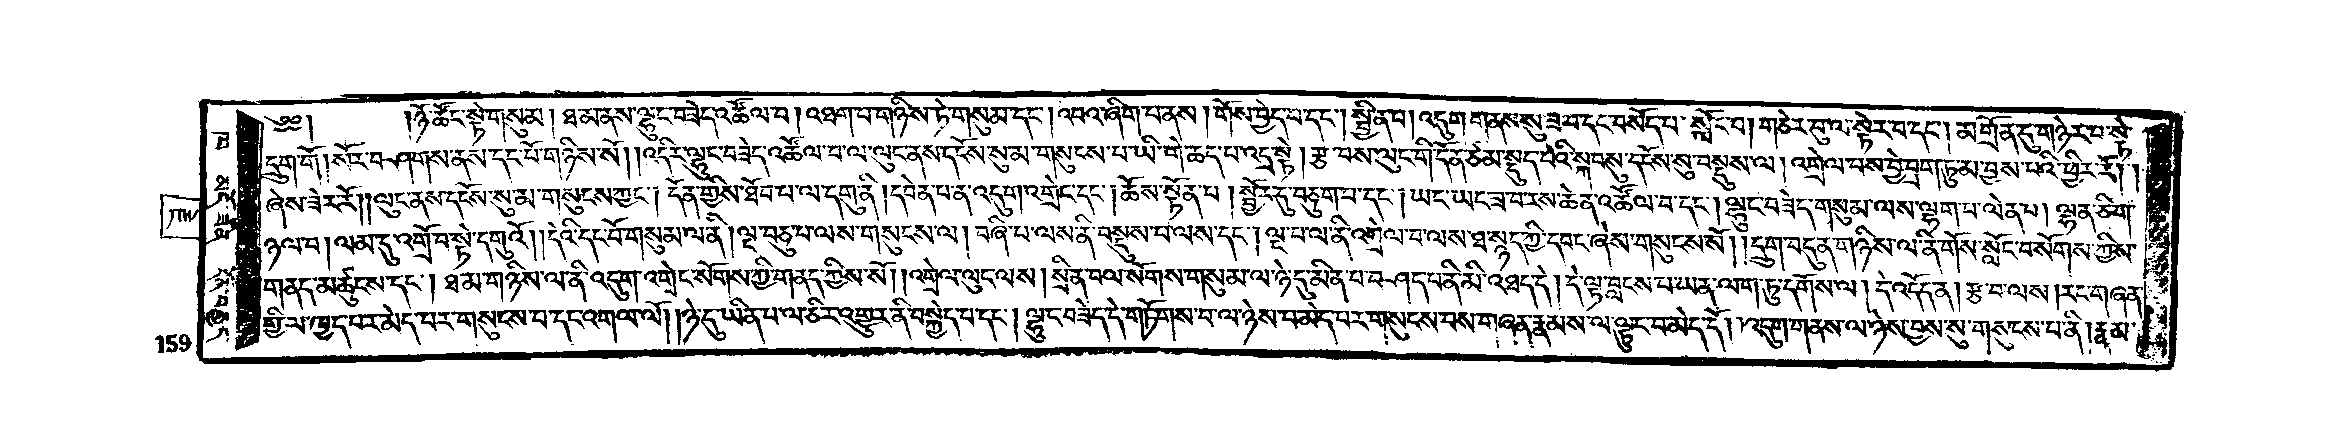༄༅། །ཉོ་ཚོང་སྟེ་གསུམ། ཐ་མ་ནས་ལྷུང་བཟེད་འཚོལ་བ། འཐག་པ་གཉིས་ཏེ་གསུམ་དང་། འབའ་ཞིག་པ་ནས། གོས་བྱེད་པ་དང་། སྦྱིན་པ། འདུག་གནས་སུ་ཟ་བ་དང་བསོད་པ་སློང་བ། གཅེར་བུ་ལ་སྟེར་བ་དང་། མགྲོན་དུ་གཉེར་བ་སྟེ་
དྲུག་གོ །སོར་བཤགས་ནས་དང་པོ་གཉིས་སོ། །འདིར་ལྷུང་བཟེད་འཚོལ་བ་ལ་ལུང་ནས་དངོས་སུ་མ་གསུངས་པ་ཡི་གེ་ཆད་པ་འདྲ་སྟེ། རྩ་བས་ལུང་གི་དོན་ཙམ་སྡུད་པའི་སྐབས་སུ་དངོས་སུ་བསྡུས་ལ། འགྲེལ་པས་བྱེ་བྲག་ཏུ་མ་བྱས་པའི་ཕྱིར་རོ། །
ཞེས་ཟེར་རོ། །ལུང་ནས་དངོས་སུ་མ་གསུངས་ཀྱང་། དོན་གྱིས་ཐོབ་པ་ལ་དགུ་ནི། དབེན་པ་ན་འདུག་འགྲེང་དང་། ཆོས་སྟོན་པ། སྦྱོར་དུ་བཅུག་པ་དང་། ཡང་ཡང་ཟ་བ་རས་ཆེན་འཚོལ་བ་དང་། ལྷུང་བཟེད་གསུམ་ལས་ལྷག་པ་ལེན་པ། ལྷན་ཅིག་
ཉལ་བ། ལམ་དུ་འགྲོ་བ་སྟེ་དགུའོ། །དེའི་དང་པོ་གསུམ་ལ་ནི། ལྔ་བཅུ་པ་ལས་གསུངས་ལ། བཞི་པ་ལས་ནི་བསྡུས་པ་ལས་དང་། ལྔ་པ་ལ་ནི་འགྲེལ་བ་ལས་ཐ་སྙད་ཀྱི་དབང་ཞེས་གསུངས་སོ། །དྲུག་བདུན་གཉིས་ལ་ནི་གོས་སློང་བ་སོགས་ཀྱིས་
གནད་མཚུངས་དང་། ཐ་མ་གཉིས་ལ་ནི་འདུག་འགྲེང་སོགས་ཀྱི་གནད་ཀྱིས་སོ། །འགྲེལ་ལུང་ལས། སྲིན་བལ་སོགས་གསུམ་ལ་ཉེ་དུ་མིན་པ་བཤད་པ་ནི་མི་འཐད་དེ། དེ་ལྟ་བླངས་པ་ཡན་ལག་ཏུ་དགོས་ལ། དེ་འདོད་ན། རྩ་བ་ལས། རང་གཞན་
གྱི་ལ་ཁྱད་པར་མེད་པར་གསུངས་པ་དང་འགལ་ལོ། །ཉེ་དུ་ཡིན་པ་ལ་ཅིར་འགྱུར་ནི་བསྐྱེད་པ་དང་། ལྷུང་བཟེད་དེ་གཏོགས་པ་ལ་ཉེས་པ་མེད་པར་གསུངས་པས་གཞན་རྣམས་ལ་ལྟུང་བ་མེད་དོ། །འདུག་གནས་ལ་ཉེས་བྱས་སུ་གསུངས་པ་ནི། རྣམ་